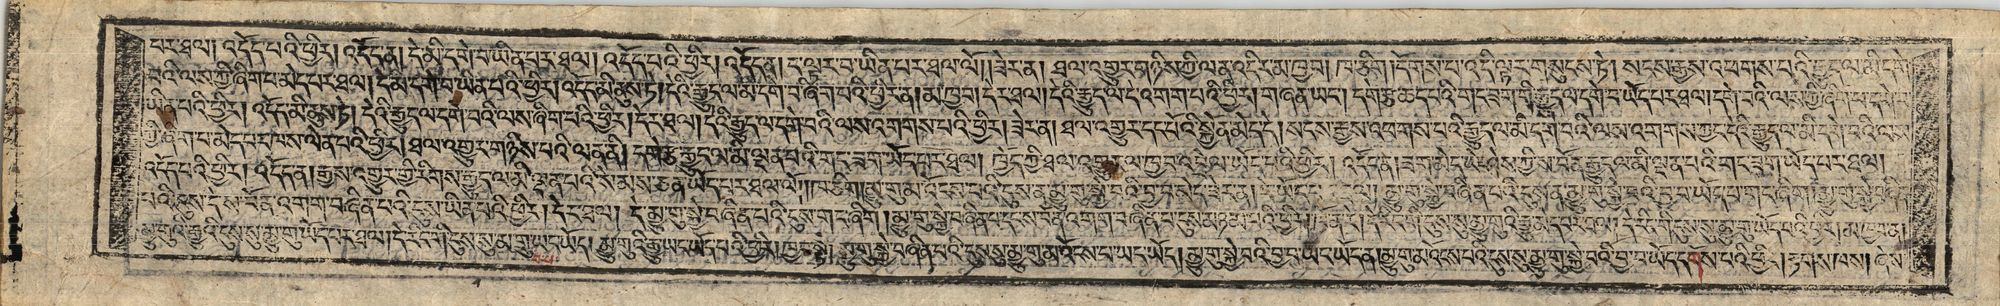བར་ཐལ། འདོད་པའི་ཕྱིར། འདོད་ན། དེ་མི་དགེ་བ་ཡིན་པར་ཐལ། འདོད་པའི་ཕྱིར། འདོད་ན། ད་ལྟར་བ་ཡིན་པར་ཐལ་ལོ། །ཟེར་ན། ཐལ་འགྱུར་གཉིས་ཀྱི་ལན་འདིར་མ་ཁྱབ། ཁ་ཅིག །དོགས་པ་འདི་ལྟར་གསུངས་ཏེ། སངས་རྒྱས་འཕགས་པའི་རྒྱུད་ལ་མི་དགེ་
བའི་ལས་ཀྱི་ཞིག་པ་མེད་པར་ཐལ། དེ་མི་དགེ་བ་ཡིན་པའི་ཕྱིར། འདོད་མི་ནུས་ཏེ། དེའི་རྒྱུད་ལ་མི་དགེ་བ་ཞིག་པའི་ཕྱིར་ན། མ་ཁྱབ། དེར་ཐལ། དེའི་རྒྱུད་ལ་དེ་འགག་པའི་ཕྱིར། གཞན་ཡང་། དགེ་རྩ་ཆད་པའི་གང་ཟག་གི་རྒྱུད་ལ་དགེ་བ་ཡོད་པར་ཐལ། དགེ་བའི་ལས་ཀྱི་ཞིག་པ་དགེ་བ་
ཡིན་པའི་ཕྱིར། འདོད་མི་ནུས་ཏེ། དེའི་རྒྱུད་ལ་དགེ་བའི་ལས་ཞིག་པའི་ཕྱིར། དེར་ཐལ། དེའི་རྒྱུད་ལ་དགེ་བའི་ལས་འགགས་པའི་ཕྱིར། ཟེར་ན། ཐལ་འགྱུར་དང་པོའི་སྐྱོན་མེད་དེ། སངས་རྒྱས་འཕགས་པའི་རྒྱུད་ལ་མི་དགེ་བའི་ལས་འགགས་ཀྱང་དེའི་རྒྱུད་ལ་མི་དགེ་བའི་ལས་
ཀྱི་ཞིག་པ་མེད་པར་ཁས་ལེན་པའི་ཕྱིར། ཐལ་འགྱུར་གཉིས་པའི་ལན་ནི། དགེ་རྩ་རྒྱུད་ལ་མི་ལྡན་པའི་གང་ཟག་ཡོད་པར་ཐལ་ཁྱོད་ཀྱི་ཐལ་འགྱུར་ལ་ཁྱབ་འབྲེལ་ཡོད་པའི་ཕྱིར། འདོད་ན། ཟག་མེད་ཡེ་ཤེས་ཀྱི་ས་བོན་རྒྱུད་ལ་མི་ལྡན་པའི་གང་ཟག་ཡོད་པར་ཐལ།
འདོད་པའི་ཕྱིར། འདོད་ན། རྒྱས་འགྱུར་གྱི་རིགས་རྒྱུད་ལ་མི་ལྡན་པའི་སེམས་ཅན་ཡོད་པར་ཐལ་ལོ། །ཁ་ཅིག །མྱུ་གུ་མ་འོངས་པའི་དུས་ན་མྱུ་གུ་སྐྱེ་བའི་བྱ་བ་མེད་ཟེར་ན། དེ་ཡོད་པར་ཐལ། མྱུ་གུ་སྐྱེ་བཞིན་པའི་དུས་ན་མྱུ་གུ་སྐྱེ་བའི་བྱ་བ་ཡོད་པ་གང་ཞིག །མྱུ་གུ་སྐྱེ་བཞིན་
པའི་དུས་དེ་ས་བོན་འགག་བཞིན་པའི་དུས་ཡིན་པའི་ཕྱིར། དེར་ཐལ། དེ་མྱུ་གུ་སྐྱེ་བཞིན་པའི་དུས་གང་ཞིག །མྱུ་གུ་སྐྱེ་བཞིན་པ་དང་ས་བོན་འགག་བཞིན་པ་དུས་མཉམ་པའི་ཕྱིར། ཁོ་ན་རེ། དེ་རིང་གི་དུས་སུ་མྱུ་གུའི་རྒྱུ་མེད་པར་ཐལ། དེ་རིང་གི་དུས་སུ་མྱུ་གུ་ཡོད་པའི་ཕྱིར། མ་ཁྱབ་ན།
མྱུ་གུའི་རྒྱུའི་དུས་སུ་མྱུ་གུ་ཡོད་པར་ཐལ། དེ་རིང་གི་དུས་སུ་མ་གྲུབ་པ་ཡང་ཡོད། མྱུ་གུའི་རྒྱུ་ཡང་ཡོད་པའི་ཕྱིར། ཁྱབ་སྟེ། མྱུ་གུ་སྐྱེ་བཞིན་པའི་དུས་སུ་མྱུ་གུ་མ་འོངས་པ་ཡང་ཡོད། མྱུ་གུ་སྐྱེ་བའི་བྱ་བ་ཡང་ཡོད་ན། མྱུ་གུ་མ་འོངས་པའི་དུས་སུ་མྱུ་གུ་སྐྱེ་བའི་བྱ་བ་ཡོད་དགོས་པའི་ཕྱིར། རྟགས་ཁས། ཞེས་